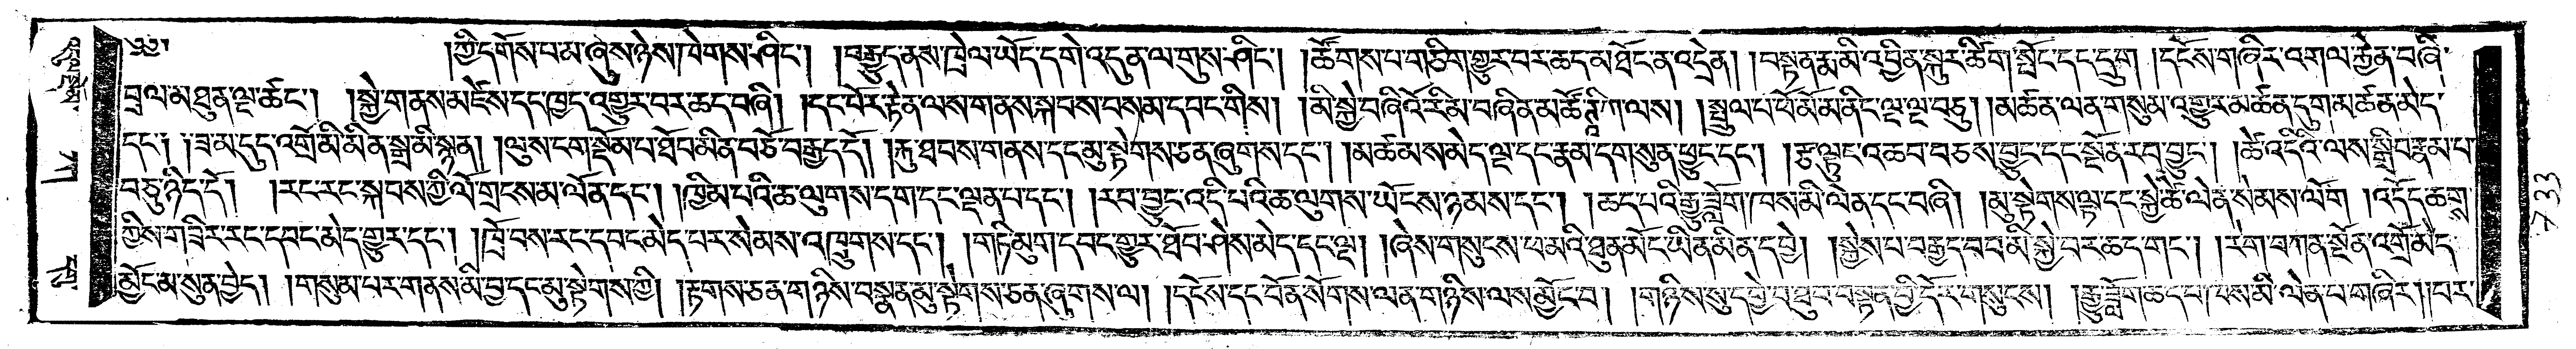༄༅། །ཀྱི་དགོས་པ་མ་ཞུས་ཉེས་ཁེགས་ཤིང་། །བརྒྱུད་ནས་ཁྲེལ་ཡོད་དགེ་འདུན་ལ་གུས་ཤིང་། །ཚོགས་པ་གཅིག་གྱུར་བར་ཆད་མཐོང་ན་འདྲེན། །བསྟན་རྨ་མི་འབྱིན་སྐུར་ཚིག་སྤོང་དང་དྲུག། །དངོས་གཞིར་འགལ་རྐྱེན་བཞི་
བྲལ་མཐུན་ལྔ་ཚང་། །སྐྱེ་གནས་མཛེས་དང་ཁྱད་འགྱུར་བར་ཆད་བཞི། །དང་པོར་རྟེན་ལས་གནས་སྐབས་བསམ་དབང་གིས། །མི་སྐྱེ་བཞིའོ་རིམ་བཞིན་མཚོ་ཊཱིཀ་ལས། །སྤྲུལ་པ་ཕོ་མོ་མ་ནིང་ལྔ་ལྔ་བཅུ། །མཚན་ལན་གསུམ་འགྱུར་མཚན་དུག་མཚན་མེད་
དང༑ །ཟམ་དུད་འགྲོ་མི་མིན་སྒྲ་མི་སྙན། །ལུས་ངག་སྔོམ་པ་ཐོབ་མིན་བཅོ་བརྒྱད་དོ། །རྐུ་ཐབས་གནས་དང་མུ་སྟེགས་ཅན་ཞུགས་དང་། །མཚམས་མེད་ལྔ་དང་རྣམ་དགེ་སུན་ཕྱུང་དང་། །རྩ་ལྟུང་འཆབ་བཅས་བྱུང་དང་སྔོན་རབ་བྱུང་། །ཚེ་འདིའི་ལས་སྒྲིབ་རྣམ་པ་
བཅུ་ཉིད་དོ། །རང་རང་སྐབས་ཀྱི་ལོ་གྲངས་མ་ལོན་དང་། །ཁྱིམ་པའི་ཚ་ལུགས་དག་དང་ལྡན་པ་དང་། །རབ་བྱུང་འདི་པའི་ཆ་ལུགས་ཡོངས་ཉམས་དང་། །ཆད་པའི་རྒྱུ་ཟློག་ཁས་མི་ལེན་དང་བཞི། །མུ་སྟེགས་ལྟ་དང་སྐྱེ་ཚེ་ལེན་སེམས་ལོག །འདོད་ཆགས་
ཀྱིས་གཟིར་རང་དབང་མེད་གྱུར་དང་། །ཁྲོ་བས་རང་དབང་མེད་པར་སེམས་འཁྲུགས་དང་། །གཏི་མུག་དབང་གྱུར་ཐོབ་ཤེས་མེད་དང་ལྔ། །ཞེས་གསུངས་བ་མའི་ཐུན་མོང་ཡིན་མིན་དབྱེ། །སྐྱེས་པ་བརྒྱད་བབ་མི་སྐྱེ་བར་ཆད་གང་། །རེག་བཀན་སྔོན་འགྲོ་མེད་
མྱོང་སུན་བྱེད། །གསུམ་པར་གནས་མི་བྱ་དང་མུ་སྟེགས་ཀྱིས། །རྟགས་ཅན་གཉིས་བསྣན་མུ་སྟེགས་ཅན་ཞུགས་ལ། །དངོས་དང་བོན་སོགས་ལན་གཉིས་ལས་མྱོང་བ། །གཉིས་སུ་དབྱེ་བ་ཐུབ་བསྟན་བྱི་དོར་གསུངས། །རྒྱུ་ཟློག་ཆད་པ་ཁས་མི་ལེན་པ་གཞིར། །བར་